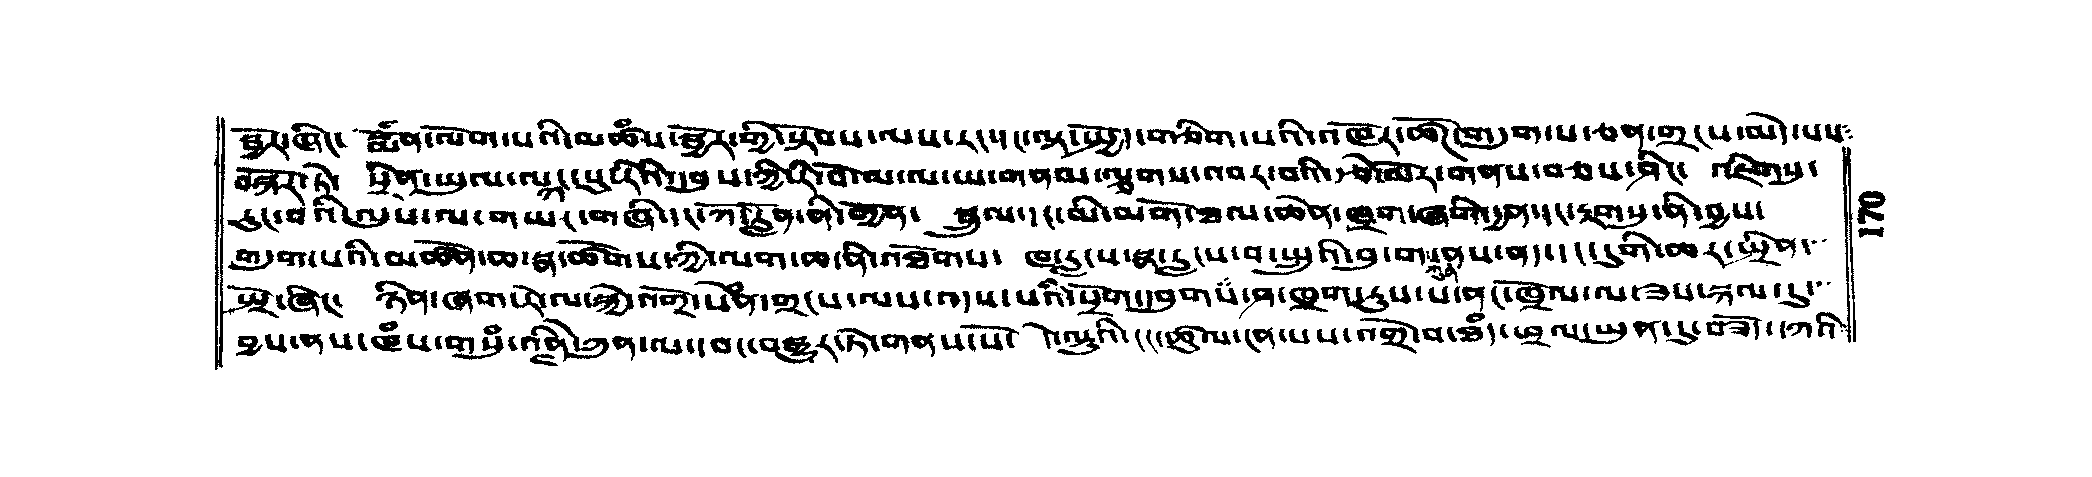སྦྱོར་ཞིང་། སྨོན་ལམ་ལོག་པའི་མཚམས་སྦྱོར་གྱི་སྟོབས་ལས་རང་དང་ལྟ་སྤྱོད་གཅིག་པའི་འཁོར་ཚོགས་གདུག་པ་ཅན་གྲངས་མེད་པས་
བསྐོར་ཏེ། སྲིན་ཡུལ་ལངྐ་་པུ་རིའི་དབུས་ཀྱི་རི་བོ་མ་ལ་ཡ་གནམ་ལྕགས་འབར་བའི་རྩེ་ལོར་གནས་བཅས་ཤིང་། འཇིགས་སུ་
རུང་བའི་ལུས་ལ་གཡང་གཞི་དང་ཀོ་རློན་ནི་གྱོན། སྦྲུལ་དང་མི་མགོ་ཐལ་ཆེན་ཁྲག་ཞག་གི་རྒྱན་དང་རྟགས་སུ་ནི་བྱས་
གདུག་པའི་མཚོན་ཆ་སྣ་ཚོགས་ཀྱི་ལག་ཆ་ནི་འཐོགས། ཁ་རླངས་སྣ་རླངས་སྤུའི་བུ་ག་ཀུན་ནས་ནད་དག་དུག་གི་ཆར་སྤྲིན་
སྤྲོ་ཞིང་།ཉིན་ཞག་རོ་ལ་སྐྱེ་འགྲོ་སེམས་ཅན་གྲངས་ལས་འདས་པའི་སྲོག་དབུག་ཤ་ཁྲག་རུས་པ་ནང་ཁྲོལ་ལ་ཟས་སྐལ་དུ་
བྱས་ནས་ཁམས་གསུམ་འཇིག་རྟེན་ཀུན་ལ་དབང་བསྒྱུར་ཏེ་གནས་སོ། དེ་ལྟ་བུའི་ངང་ཚུལ་ངན་པས་འགྲོ་བ་ཐམས་ཅད་ཕྲལ་ཡུལ་དུ་བཟོད་དཀའི་